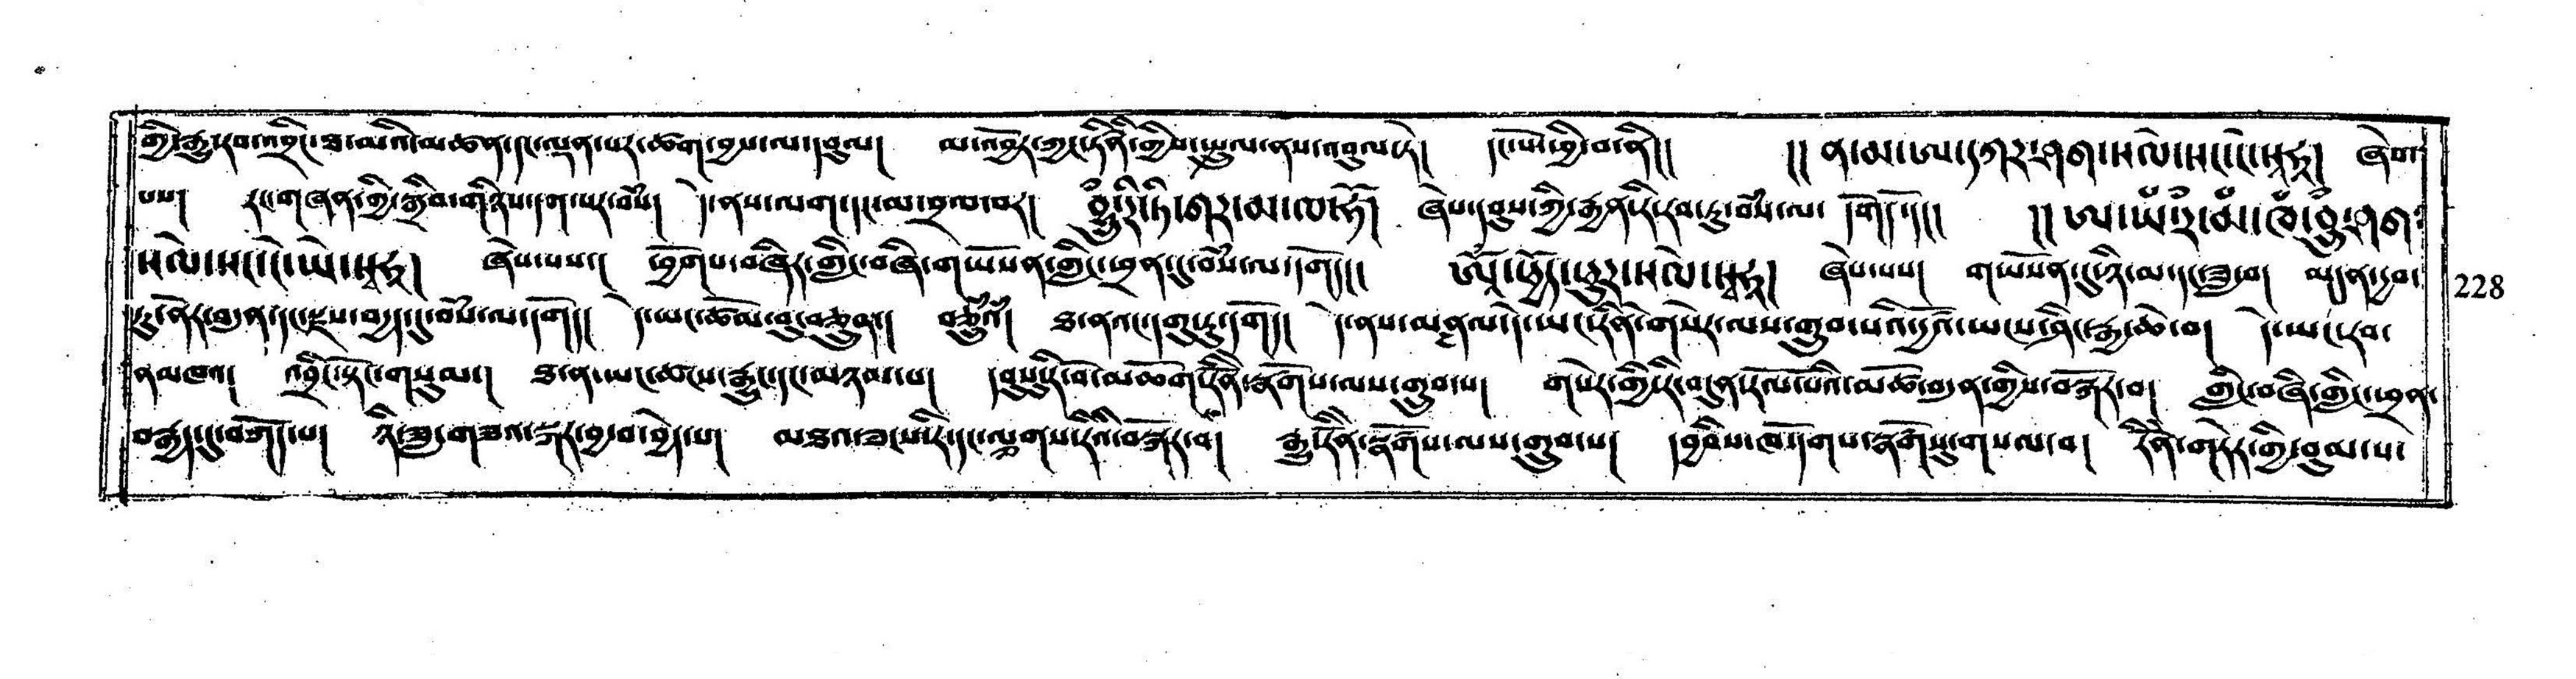གྱི་རྒྱུ་རབ་འབྲིང་ཐ་མའི་མཚན་དང་ལྡན་པར་ཚག་བྱས་ལ་དབུལ། མ་འབྱོར་ཀྱང་ཏིང་འཛིན་གྱིས་སྤྲུལ་ནས་འབུལ་ཏེ། དང་པོ་ཕྱི་བ་ནི།། །།ན་མ་ཨ་དཀར་ཤག་སལེ་སང་ངེ་སྭཧཱ། ཞེས་
པས། རང་གཞན་གྱི་སྒྲིབ་གཉིས་དག་པར་བསམ། དེ་ནས་ལག་དང་མ་བྲལ་བར། བྷྲུཾ་རི་ཏི་གར་མ་ལ་ཧོ། ཞེས་དབུས་ཀྱི་རྒྱན་རི་རབ་ཏུ་བསམ་ལ་དགོད་དོ།། །།ཨ་ཡཾ་རཾ་མཾ་ཁཾ་བྲུཾ་ཤག་
སལེ་སང་ངེ་ཡེ་སྭཧཱ། ཞེས་པས། ཕྱོགས་བཞིར་གླིང་བཞི་གཡས་གཡོན་གླིང་ཕྲན་དུ་བསམ་ལ་དགོད། ཨཱོཾ་ཕྱོད་ཕུར་སལེ་སྭཧཱ། ཞེས་པས། གཡས་གཡོན་དུ་ཉི་མ་དང་ཟླ་བ། མདུན་རྒྱབ་
ཏུ་ནོར་བདུན་དང་རྫས་བརྒྱད་དུ་བསམ་ལ་དགོད། དེ་ཡང་ཚོམ་བུ་བཅུ་བདུན། བཅུ་གསུམ། ཐ་ནའང་དགུ་ཏུ་དགོད། དེ་ནས་མནྚལ་དེ་ཡང་རིན་ཆེན་གསེར་ལས་གྲུབ་པའི་རྒྱ་མཚོ་ཡངས་ཤིང་རྒྱ་ཆེ་བ། དེ་ཡང་རབ་
ནམ་མཁའ། འབྲིང་སྟོང་གསུམ། ཐ་ན་ཡང་ཚངས་རྒྱུང་དང་མཉམ་པ། དབུས་སུ་རི་བོ་མཆོག་རིན་པོ་ཆེ་སྣ་ཚོགས་ལས་གྲུབ་པ། གསེར་གྱི་རི་བདུན་རོལ་པོའི་མཚོ་བདུན་གྱིས་བསྐོར་བ། གླིང་བཞི་གླིང་ཕྲན་
བརྒྱད་དུ་བཀོད་པ། ཉི་ཟླ་གཟའ་སྐར་བྱ་བ་བྱེད་པ། མཐའ་ཟངས་རི་དང་ལྕགས་རིའི་བསྐོར་བ། རྒྱུ་རིན་པོ་ཆེ་སྣ་ཚོགས་ལས་གྲུབ་པ། དབྱིབས་ཁ་དོག་སྣ་ཚོགས་སུ་གསལ་བ། རིན་པོ་ཆེ་གཏེར་གྱི་བུམ་པ་